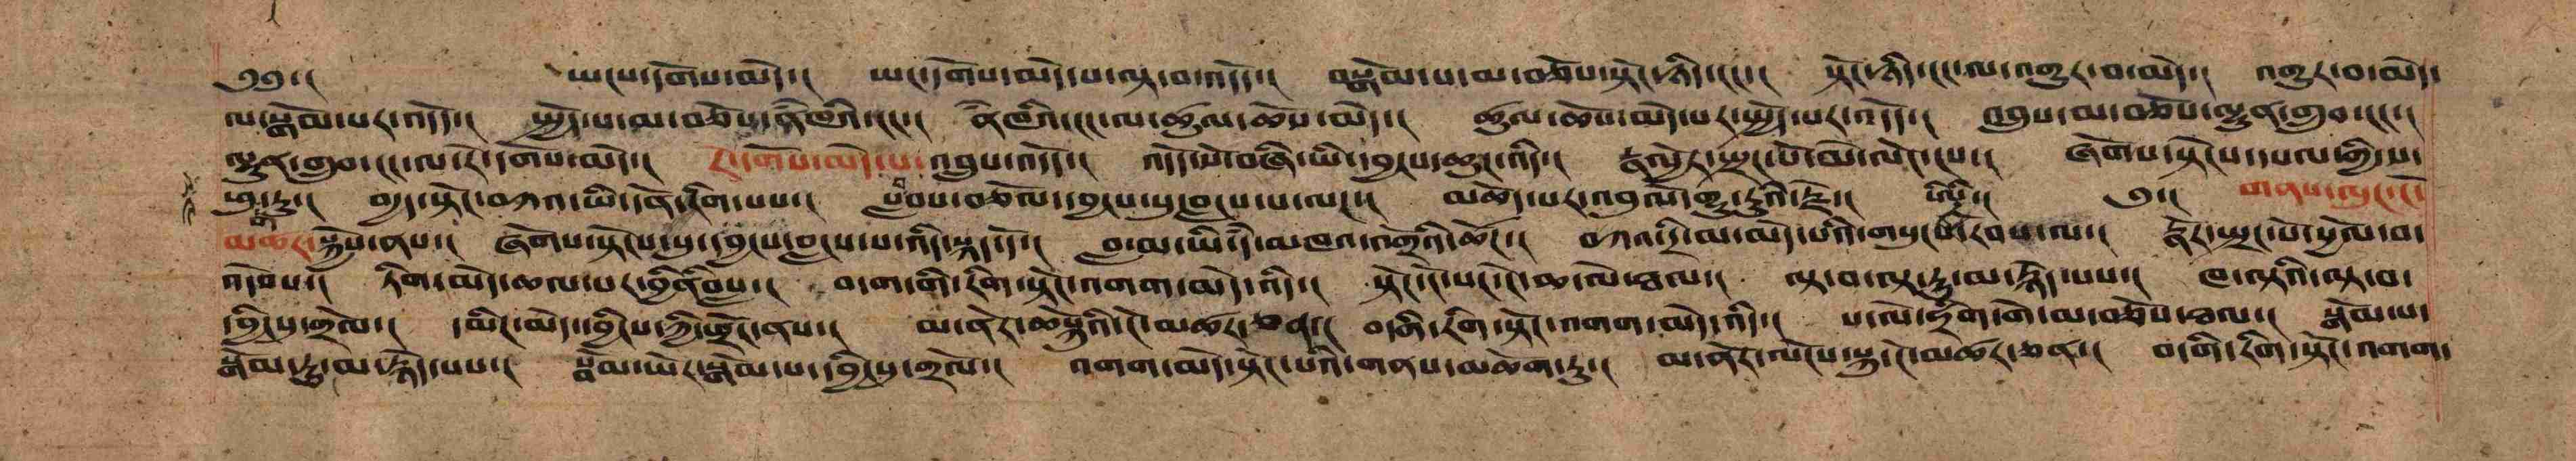༄༅།། ཡངས་དོགས་མེད།། ཡང་དོགས་མེད་པ་ལྟ་བ་འདོད།། བསྒོམ་པ་མ་བཅོས་སྟོང་ཉིད་ངང་།། སྟོང་ཉིད་ངང་ལ་འགྱུར་བ་མེད།། འགྱུར་བ་མེད་
ལ་སྒོམ་པར་འདོད།། སྤྱོད་པ་མ་བཅོས་ནམ་མཁའི་ངང་།། ནམ་མཁའི་ངང་ལ་ཚུལ་ཆོས་མེད།། ཚུལ་ཆོས་མེད་པར་སྤྱོད་པར་འདོད།། འབྲས་བུ་མ་བཅོས་ལྷུན་གྲུབ་ངང་།། 
ལྷུན་གྲུབ་ངང་ལ་རེ་དོགས་མེད།། རེ་དོགས་མེད་པ་འབྲས་བུ་འདོད།། འདོད་པོ་བཞི་ཡི་དབྱངས་ཆུང་འདི།། རྣལ་འབྱོར་སྤྲང་པོ་མེ་ལོང་ངས།། ཞོགས་སྟེང་དཔལ་གྱི་ས་
ཕུག་ཏུ།། བརྒྱད་སྟོང་བཀའ་ཡི་དོན་རིག་པས།། སླབ་བཅོལ་དབྱངས་སུ་བླངས་པ་ལགས།། མཆོད་པར་འབུལ་ལོ་གྷུ་རུའི་རྗེ།། ཨྚི། ༄་། གནས་ལུགས་ངོ་
མཚར་སྐྱེས་ནས།། ཞོགས་སྟོངས་སུ་དབྱངས་བླངས་པ་འདི་སྐད་དོ།། བླ་མ་ཡི་དམ་མཁའ་འགྲོའི་ཚོགས།། བཀའ་དྲི་མ་མེད་པའི་གསུང་རབས་ལ།། རྣལ་འབྱོར་སྤྲང་པོ་གསོལ་བ་
འདེབས།། ཏིག་མེད་ཆལ་པར་བྱིན་གྱིས་རློབས།། བདག་གི་རིག་སྟོང་འགག་མེད་འདི།། སྟོང་ངེ་སང་ངེ་ཆ་ལེ་ཐལ།། ལྟ་བ་ལྟ་རྒྱུ་མ་རྙེད་པས།། ཁ་ལྟའི་ལྟ་བ་
དབྱིངས་སུ་གྲོལ།། དམིགས་མེད་དབྱིངས་ཀྱི་ཕོ་བྲང་ནས།། མ་ནོར་ཆོས་སྐུའི་ངོ་མཚར་ཅན།། བདག་གི་རིག་སྟོང་འགག་མེད་འདི།། ས་ལེ་ཧྲིག་གེ་མ་བཅོས་ཐལ།། སྒོམ་པ་
སྒོམ་རྒྱུ་མ་རྙེད་པས།། སྦོམ་ཡོར་སྒོམ་པ་དབྱིངས་སུ་གྲོལ།། འགག་མེད་སྟོང་པའི་གནས་མཆོག་ཏུ།། མ་ནོར་ལོངས་སྐུ་ངོ་མཚར་ཅན།། བདག་གི་རིག་སྟོང་འགག་